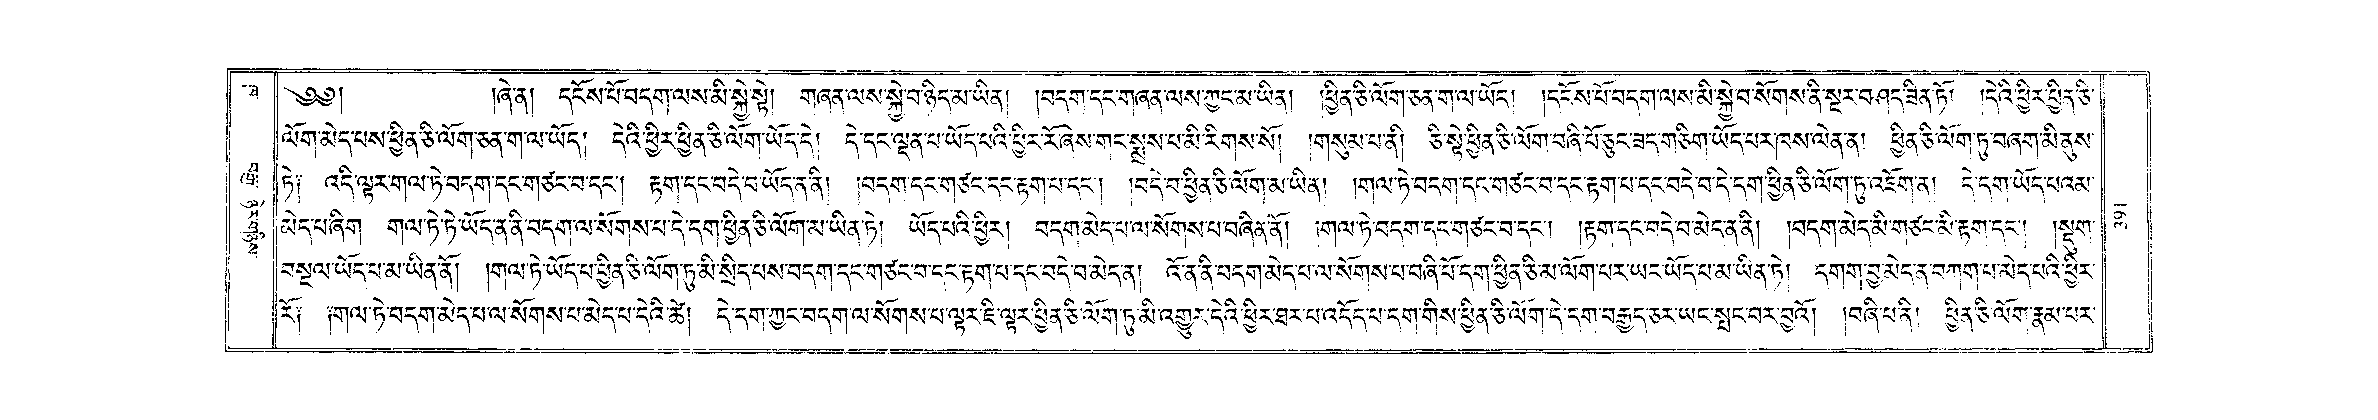༄༅། །ཞེ་ན། དངོས་པོ་བདག་ལས་མི་སྐྱེ་སྟེ། གཞན་ལས་སྐྱེ་བ་ཉིད་མ་ཡིན། །བདག་དང་གཞན་ལས་ཀྱང་མ་ཡིན། །ཕྱིན་ཅི་ལོག་ཅན་ག་ལ་ཡོད། །དངོས་པོ་བདག་ལས་མི་སྐྱེ་བ་སོགས་ནི་སྔར་བཤད་ཟིན་ཏོ། །དེའི་ཕྱིར་ཕྱིན་ཅི་
ལོག་མེད་པས་ཕྱིན་ཅི་ལོག་ཅན་ག་ལ་ཡོད། དེའི་ཕྱིར་ཕྱིན་ཅི་ལོག་ཡོད་དེ། དེ་དང་ལྡན་པ་ཡོད་པའི་ཕྱིར་རོ་ཞེས་གང་སྨྲས་པ་མི་རིགས་སོ། །གསུམ་པ་ནི། ཅི་སྟེ་ཕྱིན་ཅི་ལོག་བཞི་པོ་ཅུང་ཟད་གཅིག་ཡོད་པར་ཁས་ལེན་ན། ཕྱིན་ཅི་ལོག་ཏུ་བཞག་མི་ནུས་
ཏེ༑ འདི་ལྟར་གལ་ཏེ་བདག་དང་གཙང་བ་དང་། རྟག་དང་བདེ་བ་ཡོད་ན་ནི། །བདག་དང་གཙང་དང་རྟག་པ་དང་། །བདེ་བ་ཕྱིན་ཅི་ལོག་མ་ཡིན། །གལ་ཏེ་བདག་དང་གཙང་བ་དང་རྟག་པ་དང་བདེ་བ་དེ་དག་ཕྱིན་ཅི་ལོག་ཏུ་འཇོག་ན། དེ་དག་ཡོད་པའམ་
མེད་པ་ཞིག་གལ་ཏེ་ཏེ་ཡོད་ན་ནི་བདག་ལ་སོགས་པ་དེ་དག་ཕྱིན་ཅི་ལོག་མ་ཡིན་ཏེ། ཡོད་པའི་ཕྱིར། བདག་མེད་པ་ལ་སོགས་པ་བཞིན་ནོ། །གལ་ཏེ་བདག་དང་གཙང་བ་དང་། །རྟག་དང་བདེ་བ་མེད་ན་ནི། །བདག་མེད་མི་གཙང་མི་རྟག་དང་། །སྡུག་
བསྔལ་ཡོད་པ་མ་ཡིན་ནོ། །གལ་ཏེ་ཡོད་པ་ཕྱིན་ཅི་ལོག་ཏུ་མི་སྲིད་པས་བདག་དང་གཙང་བ་དང་རྟག་པ་དང་བདེ་བ་མེད་ན། འོ་ན་ནི་བདག་མེད་པ་ལ་སོགས་པ་བཞི་པོ་དག་ཕྱིན་ཅི་མ་ལོག་པར་ཡང་ཡོད་པ་མ་ཡིན་ཏེ། དགག་བྱ་མེད་ན་བཀག་པ་མེད་པའི་ཕྱིར་
རོ༑ ༑གལ་ཏེ་བདག་མེད་པ་ལ་སོགས་པ་མེད་པ་དེའི་ཚེ། དེ་དག་ཀྱང་བདག་ལ་སོགས་པ་ལྟར་ཇི་ལྟར་ཕྱིན་ཅི་ལོག་ཏུ་མི་འགྱུར་དེའི་ཕྱིར་ཐར་པ་འདོད་པ་དག་གིས་ཕྱིན་ཅི་ལོག་དེ་དག་བརྒྱད་ཅར་ཡང་སྤང་བར་བྱའོ། །བཞི་པ་ནི། ཕྱིན་ཅི་ལོག་རྣམ་པར་